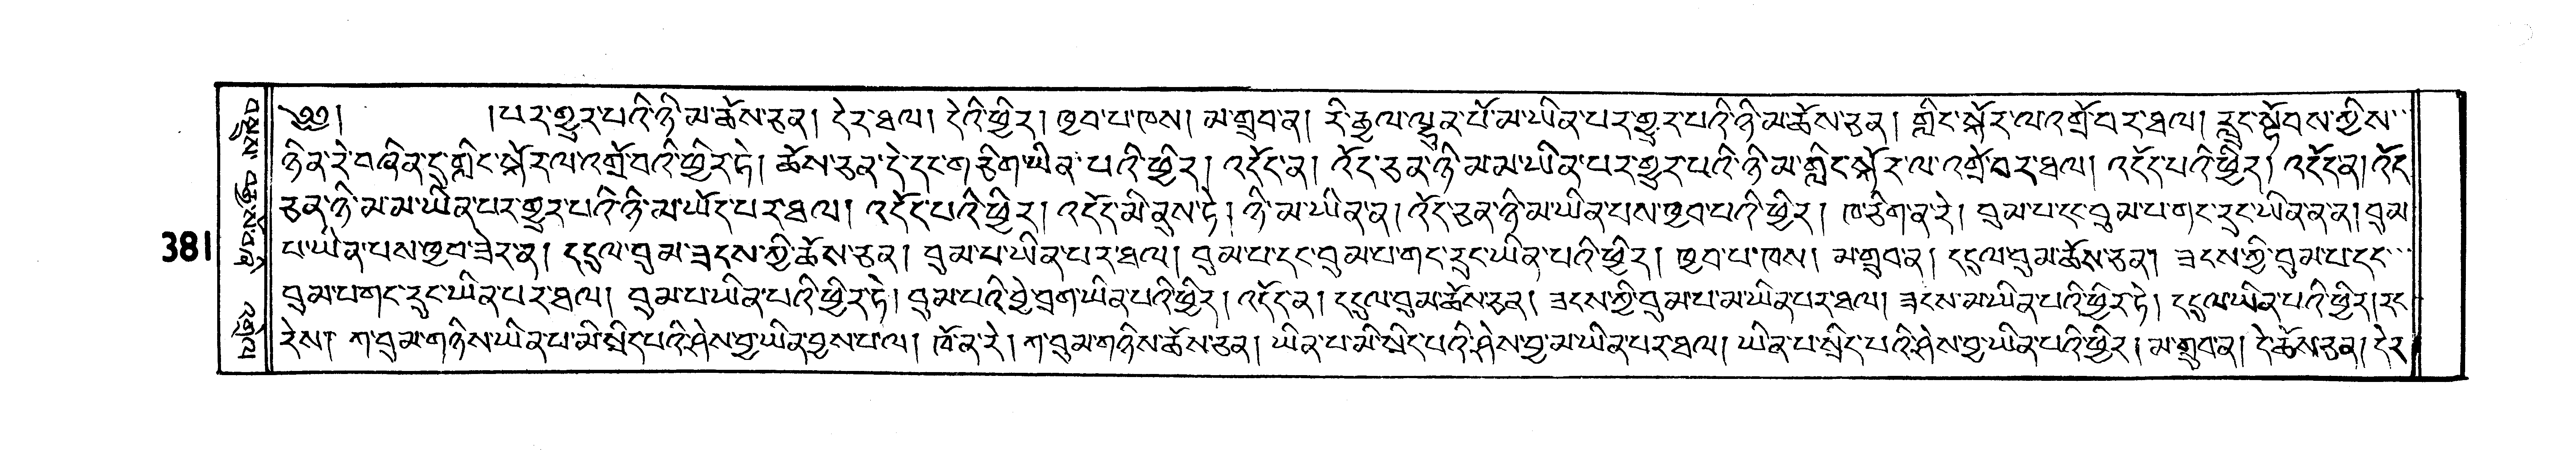༄༅། །པར་གྱུར་པའི་ཉི་མ་ཆོས་ཅན། དེར་ཐལ། དེའི་ཕྱིར། ཁྱབ་པ་ཁས། མ་གྲུབ་ན། རི་རྒྱླ་ལྷུན་པོ་མ་ཡིན་པར་གྱུར་པའི་ཉི་མ་ཆོས་ཅན། གླིང་སྐོར་ལ་འགྲོ་བར་ཐལ། རླུང་སྟོབས་ཀྱིས་
ཉིན་རེ་བཞིན་དུ་གླིང་སྐོར་ལ་འགྲོ་བའི་ཕྱིར་ཏེ། ཆོས་ཅན་དེ་དང་གཅིག་ཡིན་པའི་ཕྱིར། འདོད་ན། འོད་ཅན་ཉི་མ་མ་ཡིན་པར་གྱུར་པའི་ཉི་མ་གླིང་སྐོར་ལ་འགྲོ་བར་ཐལ། འདོད་པའི་ཕྱིར། འདོད་ན། འོང་
ཅན་ཉི་མ་མ་ཡིན་པར་གྱུར་པའི་ཉི་མ་ཡོད་པར་ཐལ། འདོད་པའི་ཕྱིར། འདོད་མི་ནུས་ཏེ། ཉི་མ་ཡིན་ན། འོད་ཅན་ཉི་མ་མ་ཡིན་པས་ཁྱབ་པའི་ཕྱིར། ཁ་ཅིག་ན་རེ། བུམ་པ་དང་བུམ་པ་གང་རུང་ཡིན་ན། བུམ་
པ་ཡིན་པས་ཁྱབ་ཟེར་ན། དངུལ་བུམ་ཟངས་ཀྱི་ཆོས་ཅན། བུམ་པ་ཡིན་པར་ཐལ། བུམ་པ་དང་བུམ་པ་གང་རུང་ཡིན་པའི་ཕྱིར། ཁྱབ་པ་ཁས། མ་གྲུབ་ན། དངུལ་བུམ་ཆོས་ཅན། ཟངས་ཀྱི་བུམ་པ་དང་
བུམ་པ་གང་རུང་ཡིན་པར་ཐལ། བུམ་པ་ཡིན་པའི་ཕྱིར་ཏེ། བུམ་པ་བྱེ་བྲག་ཡིན་པའི་ཕྱིར། འདོད་ན། དངུལ་བུམ་ཆོས་ཅན། ཟངས་ཀྱི་བུམ་པ་མ་ཡིན་པར་ཐལ། ཟངས་མ་ཡིན་པའི་ཕྱིར། དངུལ་ཡིན་པའི་ཕྱིར། རང་
རེས། ཀ་བུམ་གཉིས་ཡིན་པ་མི་སྲིད་པའི་ཤེས་བྱ་ཡིན་བྱས་པ་ལ། ཁོ་ན་རེ། ཀ་བུམ་གཉིས་ཆོས་ཅན། ཡིན་པ་མི་སྲིད་པའི་ཤེས་བྱ་མ་ཡིན་པར་ཐལ། ཡིན་པ་སྲིད་པའི་ཤེས་བྱ་ཡིན་པའི་ཕྱིར། མ་གྲུབ་ན། དེ་ཆོས་ཅན། དེར་